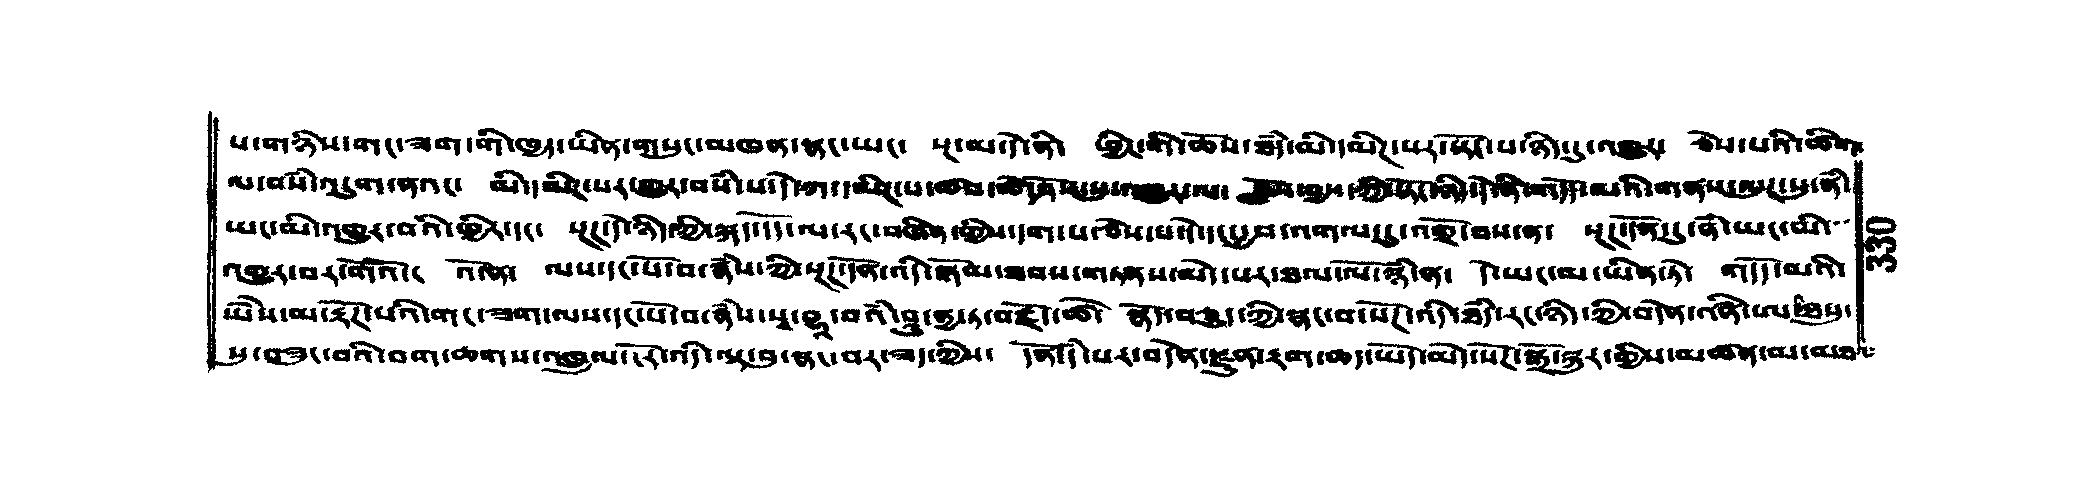པ་གཉིས་གང་ཟག་གི་ཁྱད་ཡིན་གསུང་མཁན་སྣང་ཡང་། སྔ་མ་དེ་ནི། ཕྱི་ནང་གི་ཆོས་ཐམས་ཅད་མི་དམིགས་པར་སྟོང་པ་ཉིད་དུ་འགྱུར། ཅེས་པའི་ཚིག་
ལ་བསམ་འདུག་ནའང་། མི་དམིགས་པར་གྱུར་བསམ་པ་དེ་ཀ་དམིགས་པ་ཆེས་ཆེ་ཤོས་སུ་འགྱུར་ལ། བློས་བྱས་ཀྱི་སྟོང་ཉིད་དེ་ནི་གདོད་མའི་གནས་ལུགས་སུ་ནམ་
ཡང་མི་འགྱུར་བའི་ཕྱིར་དང་། སྔགས་དེ་ཉིད་ཀྱི་སྐད་དོད་ལ་རང་བཞིན་གྱིས་དག་པ་ཞེས་པ་དེ་དང་རྒྱབ་འགལ་དུ་འགྲོ་བས་ན། སྔགས་དོན་དུ་ནམ་ཡང་མི་
འགྱུར་བར་གོའོ། འོ་ན། ལས་དང་པོ་བ་རྣམས་ཀྱི་སྔགས་དོན་འདི་སྒོམ་ཐབས་གཏན་ནས་མེད་པར་ཐལ་ལོ་སྙམ་ན།དེ་ཡང་མ་ཡིན་ཏེ། གདོད་མའི་
ཡེ་ཤེས་མ་རྟོགས་པའི་གང་ཟག་ལས་དང་པོ་བ་རྣམས་སྭ་བྷཱ་བའམ་ཤུ་ནྱ་ཏ་བརྗོད་ཚེ། སྣོད་བཅུད་ཀྱི་སྣང་བ་སོགས་འདི་ཐམས་ཅད་རང་ཉིད་ཀྱི་བདེན་འཛིན་ཨ་འཐས་
སུ་བཟུང་བའི་བག་ཆགས་འཁྲུལ་ངོར་འདི་ལྟ་བུ་སྣང་བར་ཟད་ཀྱིས། དོན་དམ་པར་བདེན་རྫུན་རྟག་ཆད་ཡོད་མེད་སོགས་སྒྲོ་སྐུར་གྱིས་མཚན་མ་མཐའ་